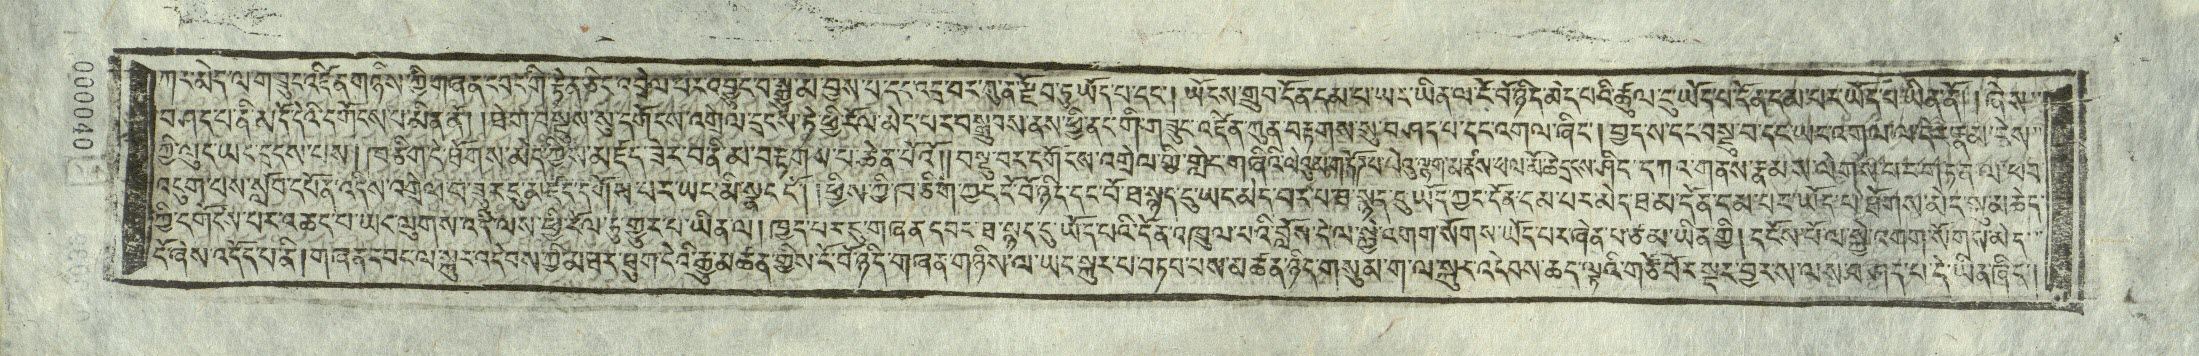ཀར་མེད་ལ་གཟུང་འཛིན་གཉིས་ཀྱི་གཞན་དབང་གི་རྟེན་ཅིང་འབྲེལ་པར་འབྱུང་བ་སྒྱུ་མ་བྱས་པ་དང་འདྲ་བར་ཀུན་རྫོབ་ཏུ་ཡོད་པ་དང་། ཡོངས་གྲུབ་དོན་དམ་པ་ཡང་ཡིན་ལ་ངོ་བོ་ཉིད་མེད་པའི་ཚུལ་དུ་ཡོད་པ་དོན་དམ་པར་ཡོད་པ་ཡིན་ནོ། །ཞེས་
བཤད་པ་ནི་མདོ་དེའི་དགོངས་པ་མིན་ནོ། །ཐེག་བསྡུས་སུ་དགོངས་འགྲེལ་དྲངས་ཏེ་ཕྱི་རོལ་མེད་པར་བསྒྲུབས་ནས་ཕྱི་ནང་གི་གཟུང་འཛིན་ཀུན་བརྟགས་སུ་བཤད་པ་དང་འགལ་ཞིང་། བྱང་ས་དང་བསྡུ་བ་དང་ཡང་འགལ་ལ་དེར་རྣམ་ངེས་
ཀྱི་ལུང་ཡང་དྲངས་པས། ཁ་ཅིག་དེ་ཐོགས་མེད་ཀྱིས་མཛད་ཟེར་བ་ནི་མ་བརྟགས་པ་ཆེན་པོའོ། །བསྡུ་བར་དགོངས་འགྲེལ་གྱི་གླེང་གཞིའི་ལེའུ་མ་གཏོགས་པ་?་ལེའུ་ལྟག་མ་རྣམས་ཕལ་མོ་ཆེ་དྲངས་ཤིང་དཀའ་གནས་རྣམས་ལེགས་པར་གཏན་ལ་ཕབ་
འདུག་པས་སློབ་དཔོན་འདིས་འགྲེལ་བ་ཟུར་དུ་མཛད་དགོས་པར་ཡང་མི་སྣང་ངོ། །ཕྱིས་ཀྱི་ཁ་ཅིག་ཀྱང་ངོ་བོ་ཉིད་དང་པོ་ཐ་སྙད་དུ་ཡང་མེད་པར་བ་ཐ་སྙད་དུ་ཡོད་ཀྱང་དོན་དམ་པར་མེད་ཐ་མ་དོན་དམ་པར་ཡོད་པ་ཐགས་མེད་སྐུ་མཆེད་
ཀྱི་དགོངས་པར་འཆད་པ་ཡང་ལུགས་འདི་ལས་ཕྱི་རོལ་ཏུ་གྱུར་པ་ཡིན་ལ། ཁྱད་པར་དུ་གཞན་དབང་ཐ་སྙད་དུ་ཡོད་པའི་དོན་འཁྲུལ་པའི་བློས་དེ་ལ་སྐྱེ་འགག་སོགས་ཡོད་པར་ཞེན་པ་ཙམ་ཡིན་གྱི། དངོས་པོ་ལ་སྐྱེ་འགག་སོགས་མེད་
དོ་ཞེས་འདོད་པ་ནི། གཞན་དབང་ལ་སྐུར་འདེབས་ཀྱི་མཐར་ཐུག་དེའི་རྒྱུ་མཚན་གྱིས་ངོ་བོ་ཉིད་གཞན་གཉིས་ལ་ཡང་སྐུར་པ་བཏབ་པས་མཚན་ཉིད་གསུམ་ག་ལ་སྐུར་འདེབས་ཆད་ལྟའི་གཙོ་བོར་སྔར་བྱང་ས་ལས་བཤད་པ་དེ་ཡིན་ཞིང་།